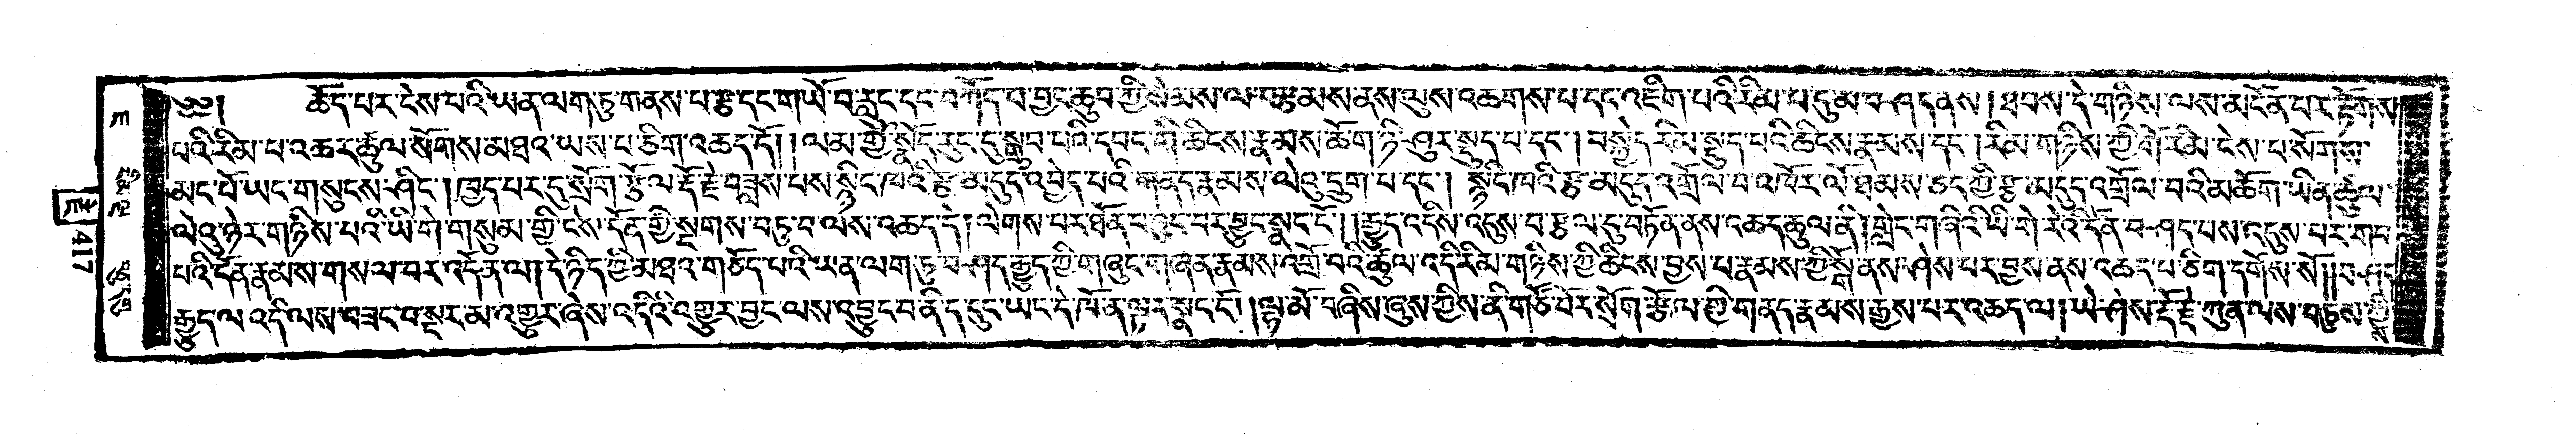༄༅། །ཆོད་པར་ངེས་པའི་ཡན་ལག་ཏུ་གནས་པ་རྩ་དང་གཡོ་བ་རླུང་དང་བཀོད་པ་བྱང་ཆུབ་ཀྱི་སེམས་ལ་བརྩམས་ནས་ལུས་འཆགས་པ་དང་འཇིག་པའི་རིམ་པ་དུ་མ་བཤད་ནས། ཐབས་དེ་གཉིས་ལས་མངོན་པར་རྟོགས་
པའི་རིམ་པ་འཆར་ཚུལ་སོགས་མཐའ་ཡས་པ་ཅིག་འཆད་དོ། །ལམ་གྱི་སྣོད་རུང་དུ་སྒྲུབ་པའི་དབང་གི་ཆིངས་རྣམས་ཆོ་ག་ཉི་ཤུར་སྡུད་པ་དང་། བསྐྱེད་རིམ་སྡུད་པའི་ཆིངས་རྣམས་དང་། རིམ་གཉིས་ཀྱི་གོ་རིམ་ངེས་པ་སོགས་
མང་པོ་ཡང་གསུངས་ཤིང་། ཁྱད་པར་དུ་སྲོག་རྩོལ་རྡོ་རྗེ་བཟླས་པས་སྙིང་ཁའི་རྩ་མདུད་འབྱེད་པའི་གནད་རྣམས་ལེའུ་དྲུག་པ་དང་། སྙིང་ཁའི་རྩ་མདུད་འགྲོལ་བ་འཁོར་ལོ་ཐམས་ཅད་ཀྱི་རྩ་མདུད་འགྲོལ་བའི་མཆོག་ཡིན་ཚུལ་
ལེའུ་ཉེར་གཉིས་པའི་ཡི་གེ་གསུམ་གྱི་ངེས་དོན་གྱི་སྔགས་བཏུ་བ་ལས་འཆད་དེ། ལེགས་པར་ཐོན་པ་ཉུང་བར་བྱུང་སྣང་ངོ། །རྒྱུད་འདིས་འདུས་པ་རྩལ་དུ་བཏོན་ནས་འཆད་ཚུལ་ནི། གླེང་གཞིའི་ཡི་གེ་རེའི་དོན་བཤད་པས་འདུས་པར་གབ་
པའི་དོན་རྣམས་གསལ་བར་འདོན་ལ། དེ་ཉིད་ཀྱི་མཐའ་གཅོད་པའི་ཡན་ལག་ཏུ་བཤད་རྒྱུད་ཀྱི་གཞུང་གཞན་རྣམས་འགྲོ་བའི་ཚུལ་འདི་རིམ་གཉིས་ཀྱི་ཆིངས་བྱས་པ་རྣམས་ཀྱི་སྒོ་ནས་ཤེས་པར་བྱས་ནས་འཆད་པ་ཅིག་དགོས་སོ། །བཤད་
རྒྱུད་ལ་འདི་ལས་བཟང་བ་སྔར་མ་འགྱུར་ཞེས་འདིའི་འགྱུར་བྱང་ལས་འབྱུང་བ་ནི་ད་དུང་ཡང་དེ་ཁོ་ན་ལྟར་སྣང་ངོ། །ལྷ་མོ་བཞིས་ཞུས་ཀྱིས་ནི་གཙོ་བོར་སྲོག་རྩལ་གྱི་གནད་རྣམས་རྒྱས་པར་འཆད་ལ། ཡེ་ཤེས་རྡོ་རྗེ་ཀུན་ལས་བཏུས་ཀྱིས་